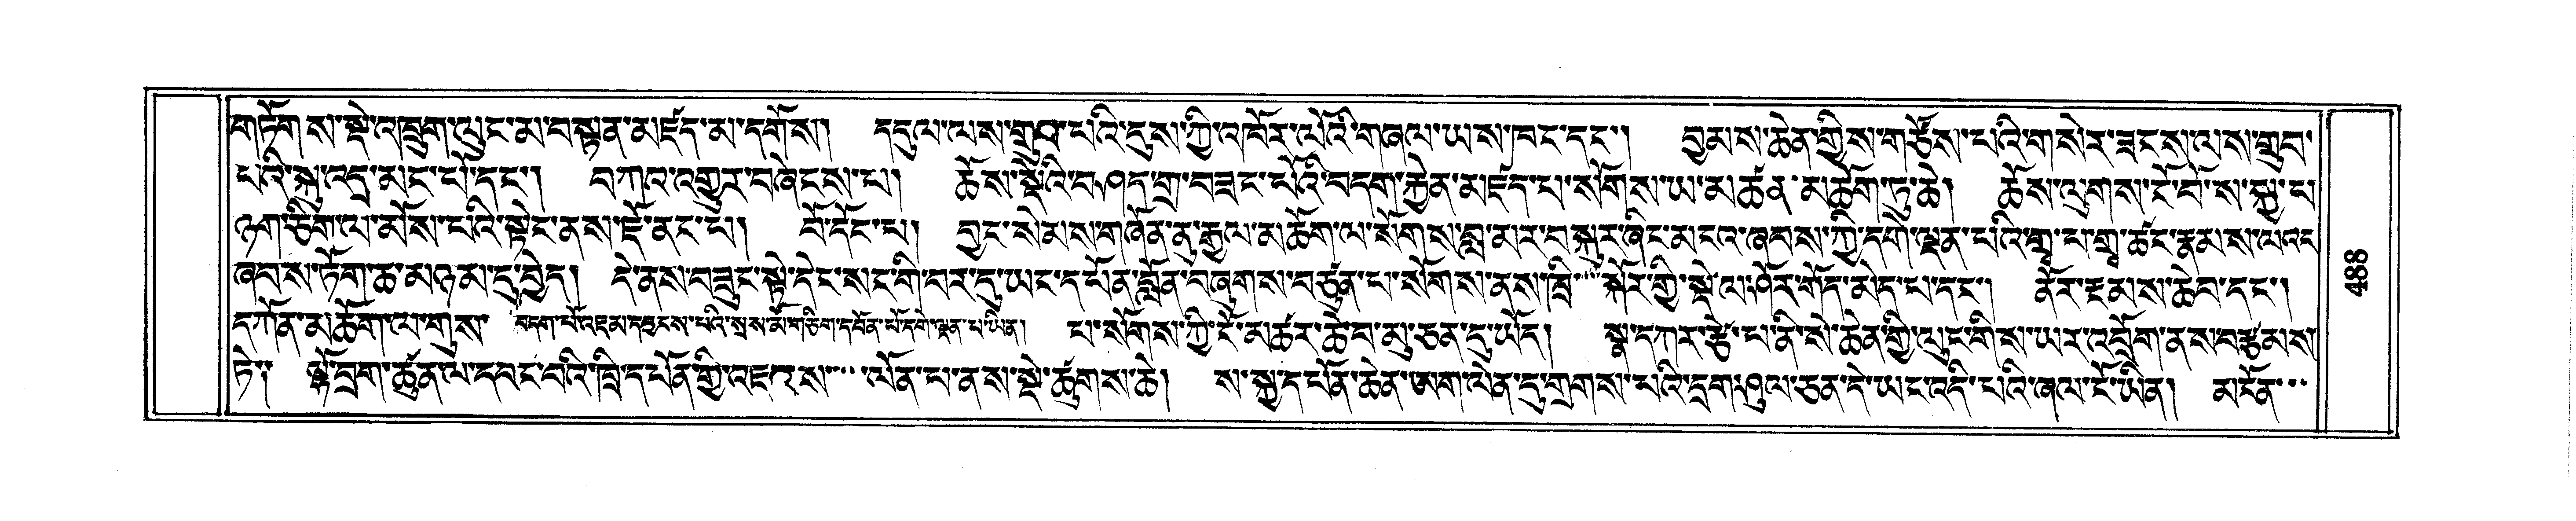གཏོགས་སྡེ་འཁྲུག་ལུང་མ་བསྟན་མཛད་མ་དགོས། དངུལ་ལས་གྲུབ་པའི་དུས་ཀྱི་འཁོར་ལོའི་གཞལ་ཡས་ཁང་དང་། བྱམས་ཆེན་གྱིས་གཙོས་པའི་གསེར་ཟངས་ལས་གྲུབ་
པའི་སྐུ་འདྲ་མང་པོ་དང་། བཀའ་འགྱུར་བཞེངས་པ། ཆོས་སྡེའི་བཤད་གྲ་བཟང་པོའི་བདག་རྐྱེན་མཛད་པ་སོགས་ཡ་མཚན་མཆོག་ཏུ་ཆེ། ཆོས་ལུགས་ངོ་བོ་ས་སྐྱ་པ་
ཉག་ཅིག་ལ་མོས་པའི་སྟེང་ནས་ཇོ་ནང་པ། བོ་དོང་པ། བྱང་སེམས་གཞོན་ནུ་རྒྱལ་མཆོག་ལ་སོགས་བླ་མར་བསྐུར་ཞིང་མངའ་ཞབས་ཀྱི་དགེ་ལྡན་པའི་གྲྭ་པ་གྲྭ་ཚང་རྣམས་ལའང་
ཞབས་ཏོག་ཆ་མཉམ་དུ་བྱེད། དེ་ནས་བཟུང་སྟེ་དེང་སང་གི་བར་དུ་ཡང་དཔོན་བློན་བཞུགས་བཙུན་པ་སོགས་ནས་ཁྲི་སྐོར་གྱི་སྡེ་ལ་ཤོར་གོད་མེད་པ་དང་། ནོར་རྔམས་ཆེབ་དང་།
དཀོན་མཆོག་ལ་གུས་བདག་པོ་འཇམ་དབྱངས་པའི་སྲས་མོ་གཅིག་དབོན་པོ་དགེ་ལྡན་པ་ཡིན།  པ་སོགས་ཀྱི་ངོ་མཚར་ཆེ་བ་མུ་ཅན་དུ་ཡོད། སྣ་དཀར་རྩེ་པ་ནི་སེ་ཆེན་གྱི་ལུང་གིས་ཡར་འབྲོག་ནས་བརྩམས་
ཏེ༑ ལྷོ་བྲག་ཚུན་ལ་དབང་བའི་ཁྲི་དཔོན་གྱི་འཇའ་ས་ལོན་པ་ནས་སྡེ་ཚུགས་ཆེ། ས་སྐྱ་དཔོན་ཆེན་ཨག་ལེན་དུ་གྲགས་པའི་དྲག་ཤུལ་ཅན་དེ་ཡང་འདི་པའི་ཞལ་ངོ་ཡིན། མངོན་